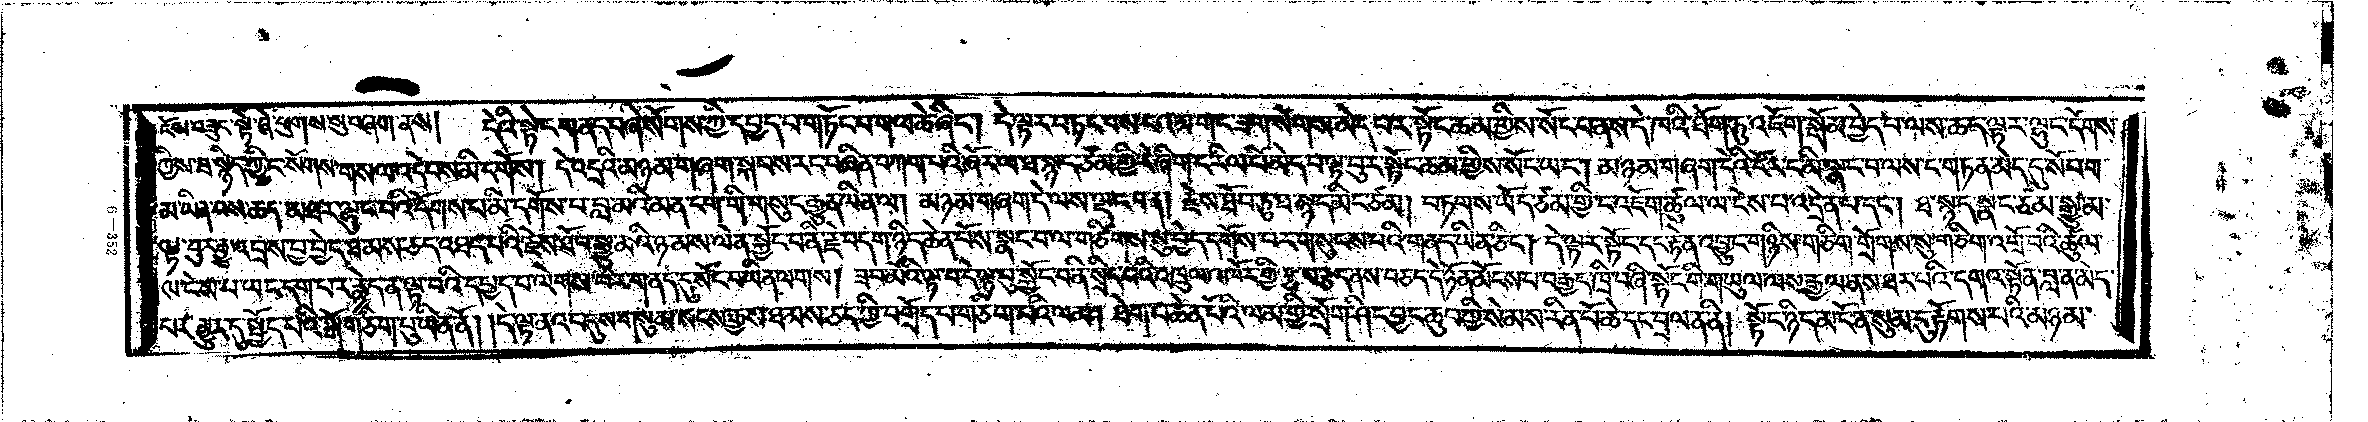འོས་བཟུང་སྟེ་ཞེ་ཕུགས་སུ་བཞག་ནས། དེའི་སྟེང་གནད་བཞི་སོགས་ཀྱི་དཔྱད་པ་གཏོང་པ་གལ་ཆེ་ཞིང་། དེ་ལྟར་བཏང་བས་ངའམ་གང་ཟག་སོགས་མེད་པར་སྟོང་ཆམ་གྱིས་སོང་པ་ནས་དེ་ཁའི་ཐོག་ཏུ་འཇོག་སྒོམ་བྱེད་པ་ལས་ཆད་ལྟར་ལྷུང་དོགས་
ཀྱིས་ཐ་སྙིད་ཀྱིད་སོགས་གསལ་འདེབས་མི་དགོས། དེ་འདྲའི་མཉམ་གཞག་སྐབས་རང་བཞིན་བཀག་པའི་ཞོར་ལ་ཐ་སྙད་ཙམ་གྱི་རེ་ཞིག་ད་རིལ་པོ་མེད་པ་ལྟ་བུར་སྟོང་ཆམ་གྱིས་སོང་ཡང་། མཉམ་གཞག་དེའི་ངོ་ཡང་མི་སྣང་བ་ལས་ད་གཏན་མེད་དུ་སོ་བག་
མ་ཡིན་བས་ཆད་མཐར་ལྷུང་བའི་དོགས་པ་མི་དགོས་པ་བླ་མའི་མན་ངག་གི་གསུང་རྒྱུན་ཡིན་ལ། མཉམ་གཞག་དེ་ལས་ལྡང་བ་ན། རྗེས་ཐོབ་ཏུ་ཐ་སྙད་མིང་ཙམ། བཏགས་ཡོད་ཙམ་གྱི་ང་འཇོག་ཚུལ་ལ་ངེས་པ་འདྲེན་པ་དང་། ཐ་སྙད་སྣང་ཙམ་སྒྱུ་མ་
ལྟ་བུར་རྒྱུ་འབྲེས་བྱ་བྱེད་ཐམས་ཅད་འཐད་པའི་རྗེས་ཐོབ་སྒྱུ་མའི་ཉམས་ལེན་སྐྱོང་བ་ནི་རྗེ་བདག་ཉིད་ཆེན་པོས་སྣང་བ་ལ་གཙིགས་སུ་བྱེད་དགོས་པར་གསུངས་པའི་གནད་ཡིན་ཅིང་། དེ་ལྟར་སྟོང་དང་རྟེན་འབྱུང་གཉིས་གཅིག་གྲོགས་སུ་གཅིག་འགྲོ་བའི་ཚུལ་
ལ་ངེས་པ་ཡང་དགེ་པར་རྙེད་ན་ལྟ་བའི་དཔྱད་པ་ལེགས་ཕར་གནད་དུ་སོང་བ་ཡིན་ལགས། ཟབ་མོའི་ལྟ་བ་དེ་ལྟ་བུ་སྐྱོང་བ་ནི་སྲིད་པའི་འཁྲུལ་འཁོར་གྱི་རྩ་བརྩད་ནས་བཅད་དེ་ཉོན་མོངས་པ་བརྒྱད་ཁྲི་བཞི་སྟོང་གི་གཡུལ་ལས་རྒྱལ་ནས་ཐར་པའི་དགའ་སྟོན་བླ་ན་མེད་
པར་མྱུར་དུ་སྤྱོད་པའི་སྒོ་གཅིག་པུ་ཡིན་ནོ། །དེ་ལྟ་ནའང་དུས་གསུམ་སངས་རྒྱས་ཐམས་ཅད་ཀྱི་བགྲོད་པ་གཅིག་པའི་ལམ། ཐེག་པ་ཆེན་པོའི་ལམ་གྱི་སྲོག་ཤིང་བྱང་ཆུབ་ཀྱི་སེམས་རིན་པོ་ཆེ་དང་བྲལ་ན་ནི། སྟོང་ཉིད་མངོན་སུམ་དུ་རྟོགས་པའི་མཉམ་